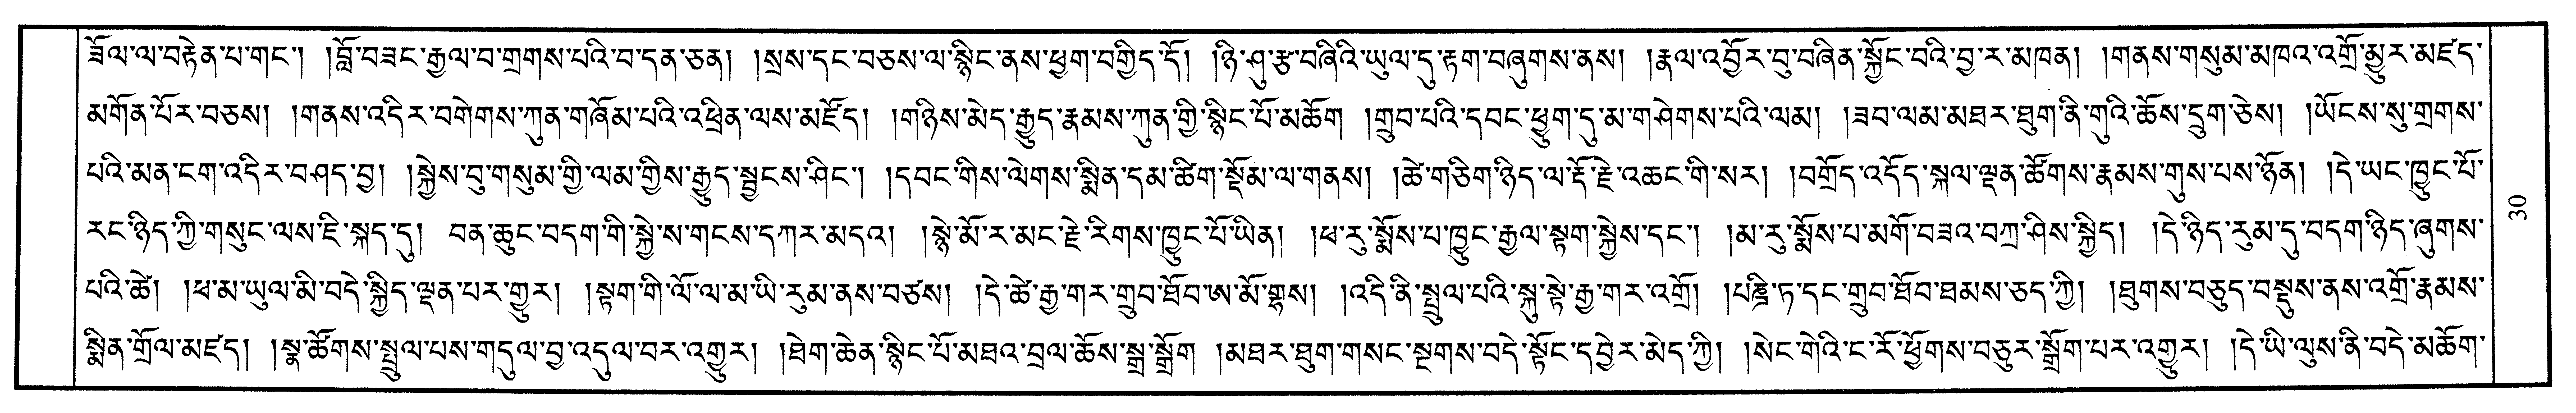ཟོལ་ལ་བརྟེན་པ་གང་། །བློ་བཟང་རྒྱལ་བ་གྲགས་པའི་བ་དན་ཅན། །སྲས་དང་བཅས་ལ་སྙིང་ནས་ཕྱག་བགྱིད་དོ། །ཉི་ཤུ་རྩ་བཞིའི་ཡུལ་དུ་རྟག་བཞུགས་ནས། །རྣལ་འབྱོར་བུ་བཞིན་སྐྱོང་བའི་བྱ་ར་མཁན། །གནས་གསུམ་མཁའ་འགྲོ་མྱུར་མཛད་
མགོན་པོར་བཅས། །གནས་འདིར་བགེགས་ཀུན་གཞོམ་པའི་འཕྲིན་ལས་མཛོད། །གཉིས་མེད་རྒྱུད་རྣམས་ཀུན་གྱི་སྙིང་པོ་མཆོག །གྲུབ་པའི་དབང་ཕྱུག་དུ་མ་གཤེགས་པའི་ལམ། །ཟབ་ལམ་མཐར་ཐུག་ནི་གུའི་ཆོས་དྲུག་ཅེས། །ཡོངས་སུ་གྲགས་
པའི་ནམ་ངག་འདིར་བཤད་བྱ། །སྐྱེས་བུ་གསུམ་གྱི་ལམ་གྱིས་རྒྱུད་སྦྱངས་ཤིང་། །དབང་གིས་ལེགས་སྨིན་དམ་ཚིག་སྡོམ་ལ་གནས། །ཚེ་གཅིག་ཉིད་ལ་རྡོ་རྗེ་འཆང་གི་སར། །བགྲོད་འདོད་སྐལ་ལྡན་ཚོགས་རྣམས་གུས་པས་ཉོན། །དེ་ཡང་ཁྱུང་པོ་
རང་ཉིད་ཀྱི་གསུང་ལས་ཇི་སྐད་དུ། །བན་ཆུང་བདག་གི་སྐྱེ་ས་གངས་དཀར་མདའ། །སྙེ་མོ་ར་མང་རྗེ་རིགས་ཁྱུང་པོ་ཡིན། །ཕ་རུ་སྨོས་པ་ཁྱུང་རྒྱལ་སྟག་སྐྱེས་དང་། །མ་རུ་སྨོས་པ་མགོ་བཟའ་བཀྲ་ཤིས་སྐྱིད། །དེ་ཉིད་རུམ་དུ་བདག་ཉིད་ཞུགས་
པའི་ཚེ། །ཕ་མ་ཡུལ་མི་བདེ་སྐྱིད་ལྡན་པར་གྱུར། །སྟག་གི་ལོ་ལ་མ་ཡི་རུམ་ནས་བཙས། །དེ་ཚེ་རྒྱ་གར་གྲུབ་ཐོབ་ཨ་མོ་གྷས། །འདི་ནི་སྤྲུལ་པའི་སྐུ་སྟེ་རྒྱ་གར་འགྲོ། །པཎྜི་ཏ་དང་གྲུབ་ཐོབ་ཐམས་ཅད་ཀྱི། །ཐུགས་བཅུད་བསྡུས་ནས་འགྲོ་རྣམས་
སྨིན་གྲོལ་མཛད། །སྣ་ཚོགས་སྤྲུལ་པས་གདུལ་བྱ་འདུལ་བར་འགྱུར། །ཐེག་ཆེན་སྙིང་པོ་མཐའ་བྲལ་ཆོས་སྒྲ་སྒྲོག །མཐར་ཐུག་གསང་སྔགས་བདེ་སྟོང་དབྱེར་མེད་ཀྱི། །སེང་གེའི་ང་རོ་ཕྱོགས་བཅུར་སྒྲོག་པར་འགྱུར། །དེ་ཡི་ལུས་ནི་བདེ་མཆོག་